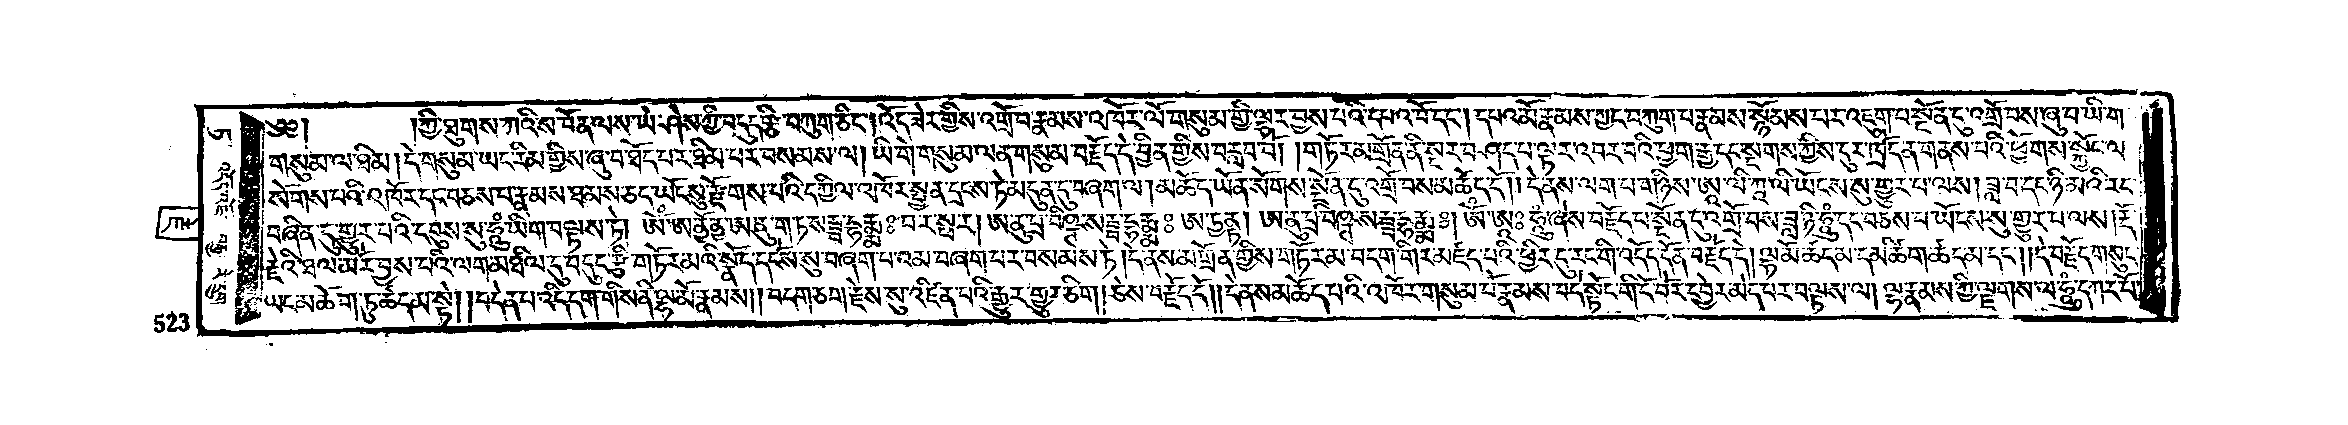༄༅། །ཀྱི་ཐུགས་ཀའི་ས་བོན་ལས་ཡེ་ཤེས་ཀྱི་བདུད་རྩི་བཀུག་ཅིང་། འོད་ཟེར་གྱིས་འགྲོ་བ་རྣམས་འཁོར་ལོ་གསུམ་གྱི་ལྷར་བྱས་པའི་དཔའ་བོ་དང་། དཔའ་མོ་རྣམས་ཀྱང་བཀུག་པ་རྣམས་སྙོམས་པར་འཇུག་པ་སྔོན་དུ་འགྲོ་བས་ཞུ་བ་ཡི་གེ་
གསུམ་ལ་ཐིམ། དེ་གསུམ་ཡང་རིམ་གྱིས་ཞུ་བ་ཐོད་པར་ཐིམ་པར་བསམས་ལ། ཡི་གེ་གསུམ་ལན་གསུམ་བརྗོད་དེ་བྱིན་གྱིས་བརླབ་བོ། །གཏོར་མགྲོན་ནི་སྔར་བཤད་པ་ལྟར་འབར་བའི་ཕྱག་རྒྱ་དང་སྔགས་ཀྱིས་དུར་ཁྲོད་ན་གནས་པའི་ཕྱོགས་སྐྱོང་ལ་
སོགས་པའི་འཁོར་དང་བཅས་པ་རྣམས་ཐམས་ཅད་ཡོངས་སུ་རྫོགས་པའི་དཀྱིལ་འཁོར་སྤྱན་དྲངས་ཏེ་མདུན་དུ་བཞག་ལ། མཆོད་ཡོན་སོགས་སྔོན་དུ་འགྲོ་བས་མཆོད་དོ། །དེ་ནས་ལག་པ་གཉིས་ཨཱ་ལི་ཀཱ་ལི་ཡོངས་སུ་གྱུར་པ་ལས། ཟླ་བ་དང་ཉི་མའི་རང་
བཞིན་དུ་གྱུར་པའི་དབུས་སུ་ཧཱུཾ་ཡིག་བལྟས་ཏེ། ཨོཾ་ཨ་ནྱོ་ནྱ་ཨ་ནུ་ག་ཏ་སརྦྦ་དྷརྨྨཿ པ་ར་སྥ་ར། ཨ་ནུ་པྲ་བིཥྚ་སརྦྦ་དྷརྨྨཿ ཨ་ཏྱནྟ། ཨ་ནུ་པྲ་བིཥྚ་སརྦྦ་དྷརྨྨཿ། ཧཱུཾ་ཞེས་བརྗོད་པ་སྔོན་དུ་འགྲོ་བས་ཟླ་ཉི་ཧཱུཾ་དང་བཅས་པ་ཡོངས་སུ་གྱུར་པ་ལས། རྡོ་
རྗེའི་ཐལ་མོར་བྱས་པའི་ལག་མཐིལ་དུ་བདུད་རྩི་གཏོར་མའི་སྣོད་དངོས་སུ་བཞག་པ་འམ་བཞག་པར་བསམས་ཏེ། དེ་ནས་མགྲོན་གྱིས་གཏོར་མ་བདག་གིར་མཛད་པའི་ཕྱིར་དུ་རང་གི་འདོད་དོན་བརྗོད་དེ། ལྷ་མོ་ཚད་མ་དམ་ཚིག་ཚད་མ་དང་། །དེ་བརྗོད་གསུང་
ཡང་མཆོག་ཏུ་ཚད་མ་སྟེ། །བདེན་པ་འདི་དག་གིས་ནི་ལྷ་མོ་རྣམས། །བདག་ཅག་རྗེས་སུ་འཛིན་པའི་རྒྱུར་གྱུར་ཅིག །ཅེས་བརྗོད་དོ། །དེ་ནས་མཆོད་པའི་འཁོར་གསུམ་པོ་རྣམས་བདེ་སྟོང་གི་ངོ་བོར་དབྱེར་མེད་པར་བལྟས་ལ། ལྷ་རྣམས་ཀྱི་ལྗགས་ལ་ཧཱུཾ་དཀར་པོ་